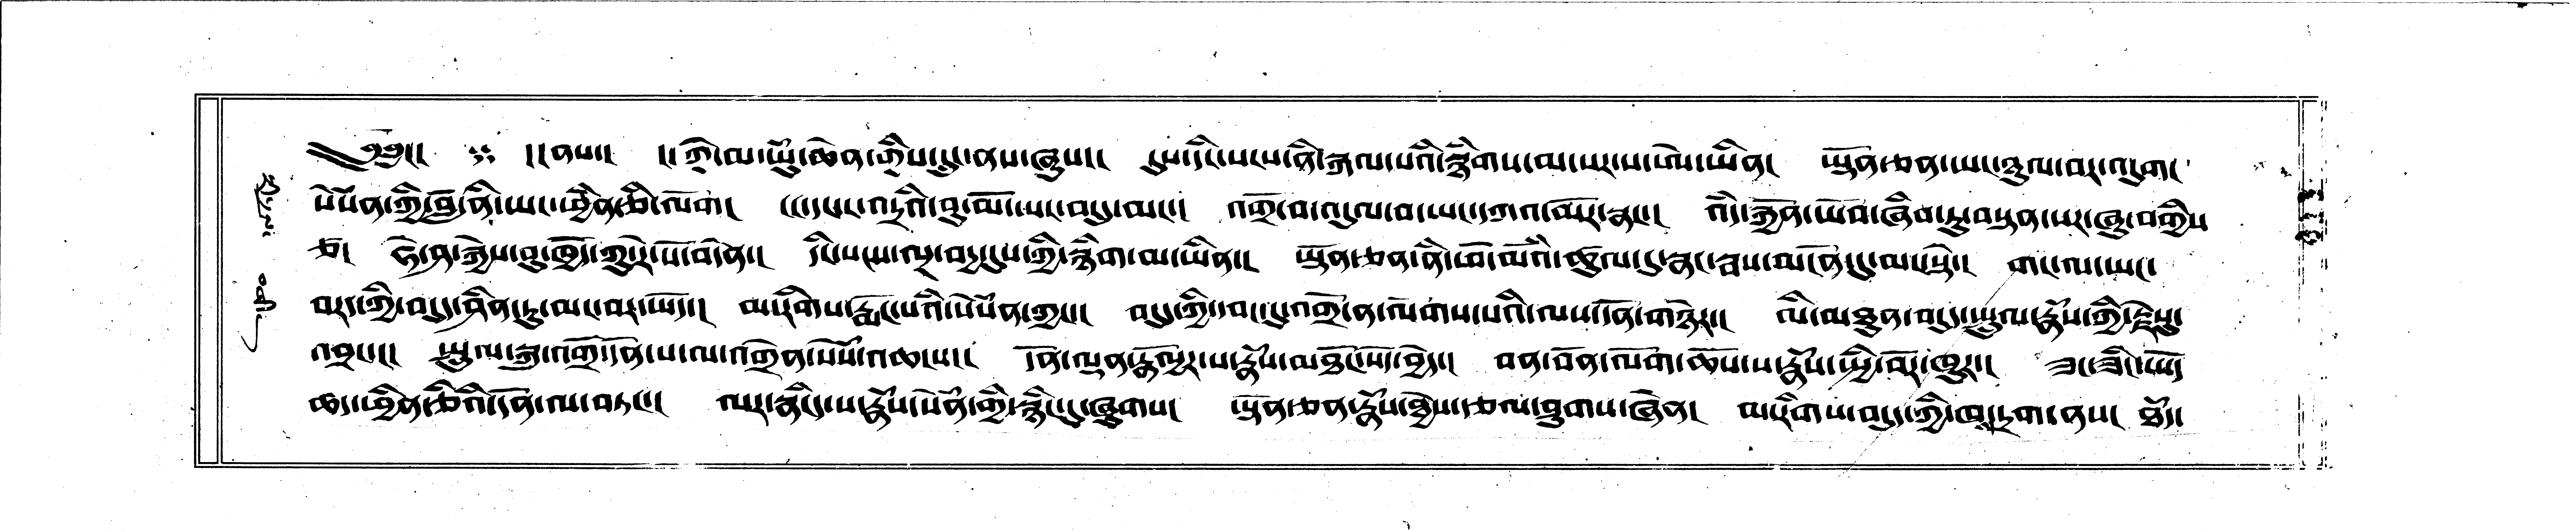ནས། ཀྱེ་མ་ཡུམ་ཆེན་གྱི་དྲུང་ནས་ཞུས། དུས་དེང་སང་ནི་བསྐལ་པའི་སྙིགས་མ་སར་པ་ཨེ་ཡིན། ཡོན་ཏན་ཅན་ཡང་ཉུལ་བར་འདུག 
སེམས་ཅན་ཀྱི་བློ་ནི་ཡང་ཕྱིན་ཅི་ལོག ང་དང་ང་འདྲའི་བུ་མོ་ཡང་བདུད་མང་། འགྲོ་བ་འདུལ་བ་ཡང་དཀའ་མོར་སྣང་། འདི་སྐྱོན་ཡོན་ཞིབ་ཏུ་བསྟན་པར་ཞུ་བགྱིས་
ཙ། ཧེ་ཤ་སྐྱེས་བུ་ཁྱོད་ཀུ་རེ་སོ་བདེན། དེང་སང་ལྔ་བརྒྱ་དུས་ཀྱི་སྙིགས་མ་ཡིན། ཡོན་ཏན་ཅན་ནི་ཕོ་མོའི་ཚུལ་དུ་སྣང་སྦས་མངོན་དུ་མང་སྟེ། གང་ལ་ཡང་
བར་ཆད་ཀྱི་བདུད་ཤིན་ཏུ་མང་བར་ཡོད། མ་རིག་རྨོངས་པའི་སེམས་ཅན་ཀྱང་། །བདུད་ཀྱི་དབང་དུ་འགྲོ་ན་ལོག་པའི་ལས་དོན་གཉེར། །མི་མཐུན་བདུད་སྤྲུལ་རྣམས་ཀྱི་རྗེས་སུ་
འབྲང་། །སྤྲུལ་སྐུ་འགྲོ་དོན་པ་ལ་འགྲན་སེམས་འཆང་། །དོན་ལྡན་རྣལ་འབྱོར་པ་རྣམས་མཐོང་སོད་བྱེད། །བན་བོན་ལོག་ཆོས་པ་རྣམས་སྤྱི་བོར་ཁུར། །ཟང་ཟིང་ཡོད་
ཚད་ཕྱིན་ཅིའི་དོན་ལ་བཏང་། །ལར་སྣང་སྲིད་པ་རྣམས་སེམས་ཅན་གྱི་སྙིང་དུ་ཞུགས། །ཡོན་ཏན་ཅན་རྣམས་ཐུགས་རྗེ་རྩལ་ཤུགས་ཞེན། །མ་རིག་བདུད་ཀྱི་ཁས་དྲག་ནས། ཐམས་ཅད་